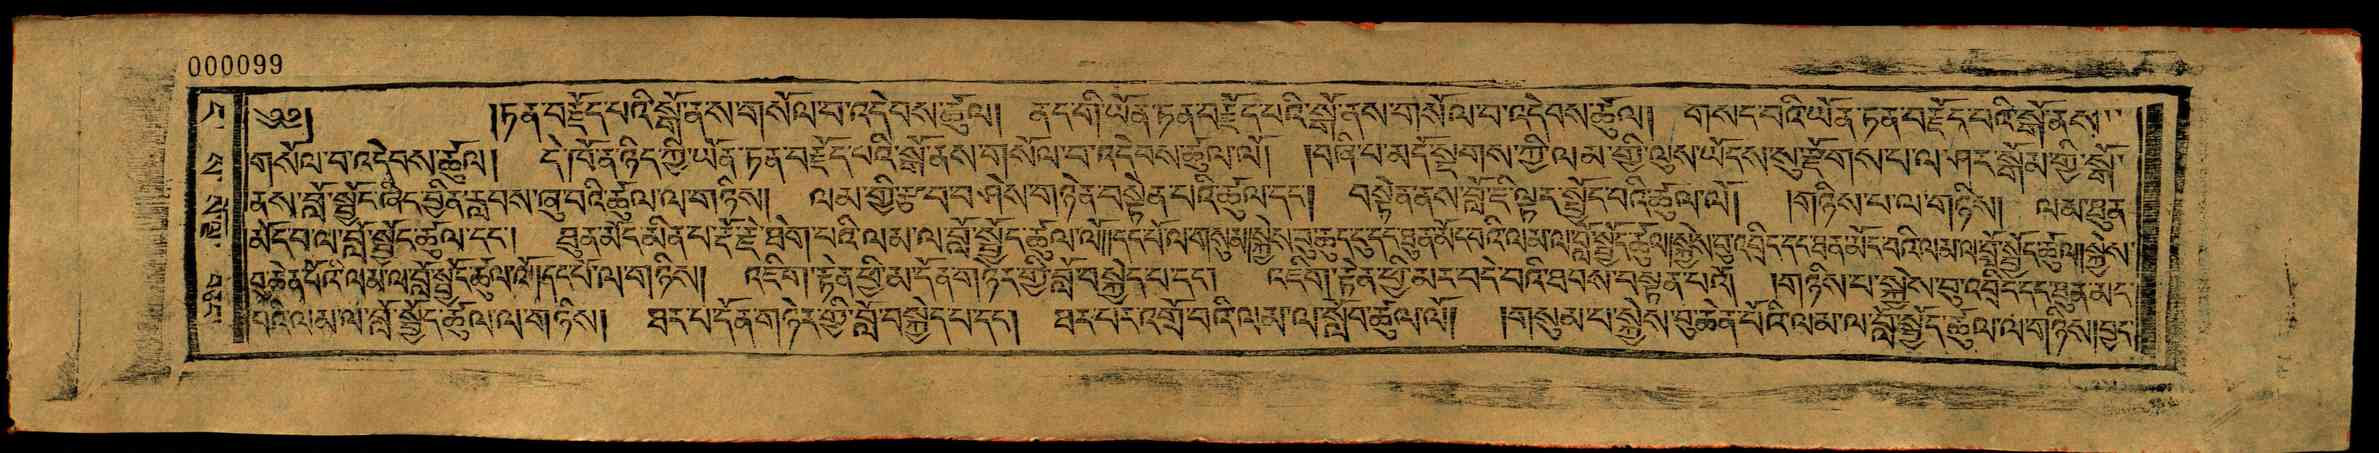༄༅། །ཏན་བརྗོད་པའི་སྒོ་ནས་གསོལ་བ་འདེབས་ཚུལ། ནང་གི་ཡོན་ཏན་བརྗོད་པའི་སྒོ་ནས་གསོལ་བ་འདེབས་ཚུལ། གསང་བའི་ཡོན་ཏན་བརྗོད་པའི་སྒོ་ནས་
གསོལ་བ་འདེབས་ཚུལ། དེ་ཁོ་ན་ཉིད་ཀྱི་ཡོན་ཏན་བརྗོད་པའི་སྒོ་ནས་གསོལ་བ་འདེབས་ཚུལ་ལོ། །བཞི་པ་མདོ་སྔགས་ཀྱི་ལམ་གྱི་ལུས་ཡོངས་སུ་རྫོགས་པ་ལ་ཤར་སྒོམ་གྱི་སྒོ་
ནས་བློ་སྦྱོང་ཞིང་བྱིན་རླབས་ཞུ་བའི་ཚུལ་ལ་གཉིས། ལམ་གྱི་རྩ་བ་བཤེས་གཉེན་བསྟེན་པའི་ཚུལ་དང་། བསྟེན་ནས་བློ་ཇི་ལྟར་སྦྱོང་བའི་ཚུལ་ལོ། །གཉིས་པ་ལ་གཉིས། ལམ་ཐུན་
མོང་བ་ལ་བློ་སྦྱོང་ཚུལ་དང་། ཐུན་མོང་མིན་པ་རྡོ་རྗེ་ཐེག་པའི་ལམ་ལ་བློ་སྦྱོང་ཚུལ་ལོ། དང་པོ་ལ་གསུམ། སྐྱེས་བུ་ཆུང་ངུ་དང་ཐུན་མོང་བའི་ལམ་ལ་བློ་སྦྱོང་ཚུལ། སྐྱེས་བུ་འབྲིང་དང་ཐུན་མོང་བའི་ལམ་ལ་བློ་སྦྱོང་ཚུལ། སྐྱེས་
བུ་ཆེན་པོའི་ལམ་ལ་བློ་སྦྱོང་ཚུལ་ལོ། །དང་པོ་ལ་གཉིས། འཇིག་རྟེན་ཕྱི་མ་དོན་གཉེར་གྱི་བློ་བསྐྱེད་པ་དང་། འཇིག་རྟེན་ཕྱི་མར་བདེ་བའི་ཐབས་བསྟན་པའོ། །གཉིས་པ་སྐྱེས་བུ་འབྲིང་དང་ཐུན་མོང་
བའི་ལམ་ལ་བློ་སྦྱོང་ཚུལ་ལ་གཉིས། ཐར་པ་དོན་གཉེར་གྱི་བློ་བསྐྱེད་པ་དང་། ཐར་པར་འགྲོ་བའི་ལམ་ལ་སློབ་ཚུལ་ལོ། །གསུམ་པ་སྐྱེས་བུ་ཆེན་པོའི་ལམ་ལ་བློ་སྦྱོང་ཚུལ་ལ་གཉིས། བྱང་